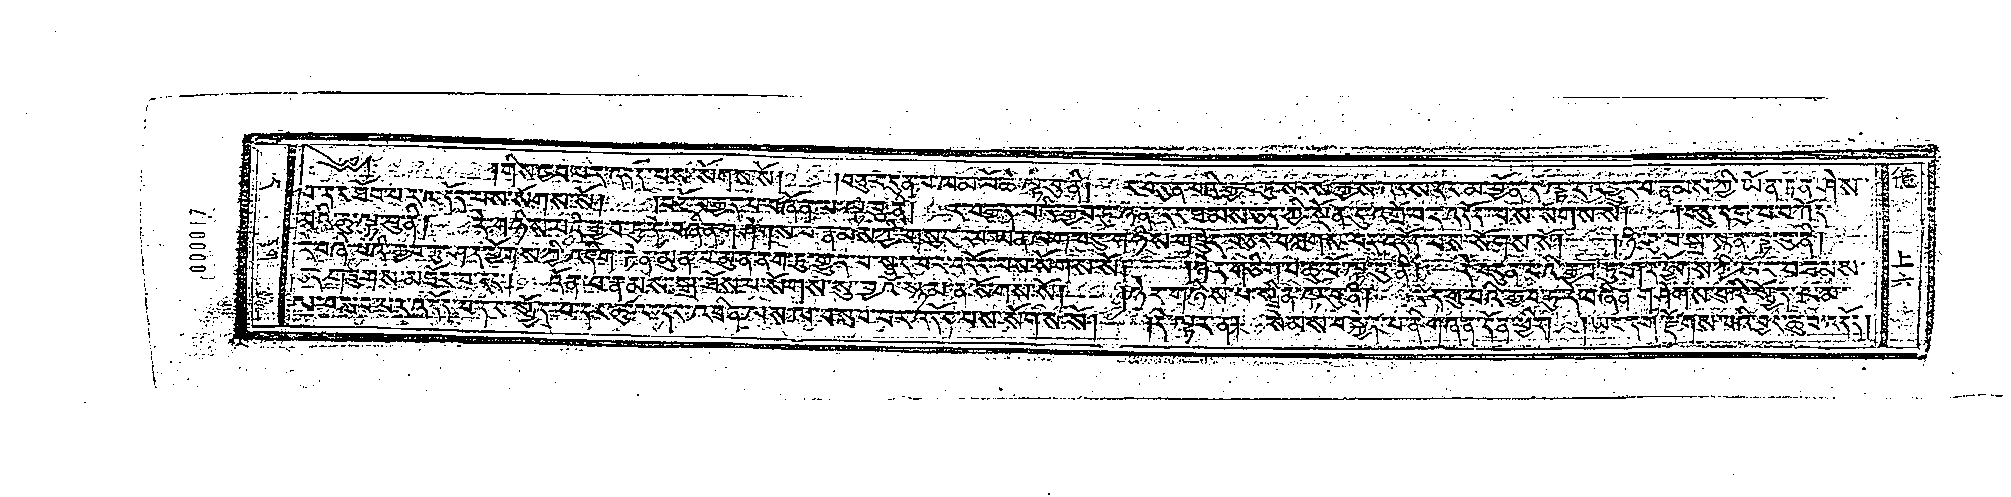༄༅། །གིས་ཁྱབ་པར་འདོད་པས་སོགས་སོ། །བཅུ་བདུན་པ་ལམ་པོ་ཆེ་ལྟ་བུ་ནི། ད་བདུན་པའི་རྒྱབ་ཏུ་སངས་རྒྱས་འདས་དང་མ་བྱོན་ད་ལྟར་འབྱུང་བ་རྣམས་ཀྱི་ཡོན་ཏན་ཤེས་
པ་དང་ཐོབ་པར་འདོད་པས་སོགས་སོ། །བཅོ་བརྒྱད་པ་བཞོན་པ་ལྟ་བུ་ནི། ང་བརྒྱད་པའི་རྒྱབ་ཏུ་ཉན་རང་ཐམས་ཅད་ཀྱི་སྔོན་དུ་འགྲོ་བར་འདོད་པས་སོགས་སོ། །བཅུ་དགུ་པ་བཀོད་
མའི་ཆུ་ལྟ་བུ་ནི། དེ་གཉིས་པའི་རྒྱབ་ཏུ་དེ་བཞིན་གཤེགས་པ་རྣམས་ཀྱི་གསུང་རབ་ཡན་ལག་བཅུ་གཉིས་གཟུང་བཅུར་བཀླགས་བར་འདོད་པས་སོགས་སོ། །ཉི་ཤུ་པ་སྒྲ་སྙན་ལྟ་བུ་ནི།
དེ་བཞི་པའི་རྒྱབ་ཏུ་ཤར་ཕྱོགས་ཀྱི་འཇིག་རྟེན་མུན་བ་མུན་ནག་ཏུ་གྱུར་པ་སྣང་བར་འདོད་བས་སོགས་སོ། །ཉེར་གཅིག་པ་ཆུ་བོ་ལྟ་བུ་ནི། རེ་བདུན་པའི་རྒྱབ་ཏུ་ཤར་ཕྱོགས་ཀྱི་ལོང་བ་ཐམས་
ཅད་གཟུགས་མཐོང་བ་དང་། འོན་པ་རྣམས་སྒྲ་ཐོས་པ་སོགས་སུ་བྱའོ་སྙམ་ན་སོགས་སོ། །ཉེར་གཉིས་པ་སྤྲིན་ལྟ་བུ་ནི། རེ་དགུ་པའི་རྒྱབ་ཏུ་དེ་བཞིན་གཤེགས་པའི་སྤྱོད་ལམ་
ལ་བསླབ་པར་འདོད་པས་དང་སྤྱོད་བ་དང་ཚུལ་དང་འཕྲིན་ལས་ལ་བསླབ་པར་འདོད་པས་སོགས་སོ། །དེ་ལྟར་ན། སེམས་བསྐྱེད་པ་ནི་གཞན་དོན་ཕྱིར། །ཡང་དག་རྫོགས་པའི་བྱང་ཆུབ་འདོད།